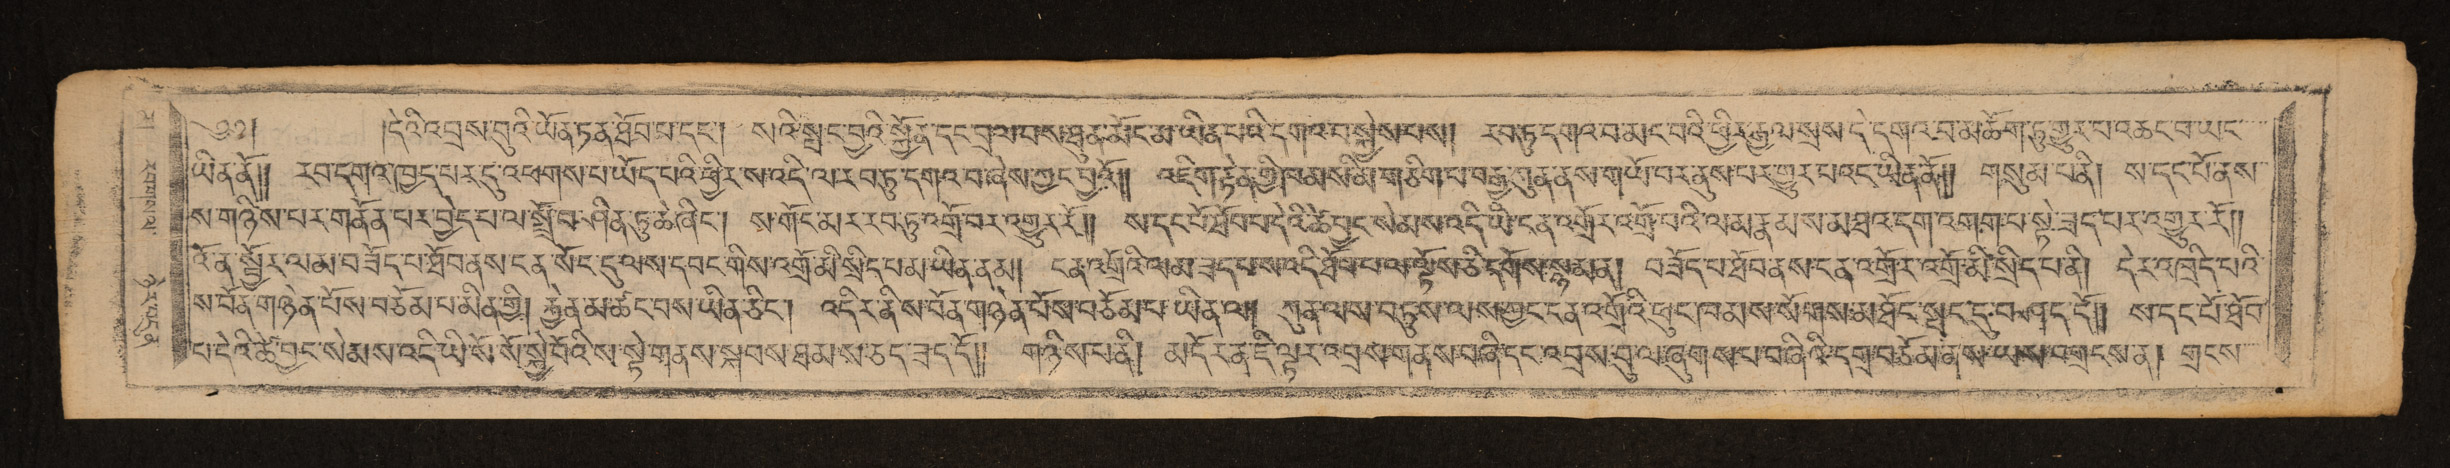༄༅། །དེའི་འབྲས་བུའི་ཡོན་ཏན་ཐོབ་པ་དང་། སའི་སྤང་བྱའི་སྐྱོན་དང་བྲལ་བས་ཐུན་མོང་མ་ཡིན་པའི་དགའ་བ་སྐྱེས་པས། རབ་ཏུ་དགའ་བ་མང་བའི་ཕྱིར་རྒྱལ་སྲས་དེ་དགའ་བ་མཆོག་ཏུ་གྱུར་པ་འཆང་བ་ཡང་
ཡིན་ནོ།། རབ་དགའ་ཁྱད་པར་དུ་འཕགས་པ་ཡོད་པའི་ཕྱིར་ས་འདི་ལ་རབ་ཏུ་དགའ་བ་ཞེས་ཀྱང་བྱའོ།། འཇིག་རྟེན་གྱི་ཁམས་མི་གཅིག་པ་བརྒྱ་ཀུན་ནས་གཡོ་བར་ནུས་པར་གྱུར་པའང་ཡིན་ནོ།། གསུམ་པ་ནི། ས་དང་པོ་ནས་
ས་གཉིས་པར་གནོན་པར་བྱེད་པ་ལ་སྤྲོ་བ་ཤིན་ཏུ་ཆེ་ཞིང་། ས་གོང་མར་རབ་ཏུ་འགྲོ་བར་འགྱུར་རོ།། ས་དང་པོ་ཐོབ་པ་དེའི་ཚེ་བྱང་སེམས་འདི་ཡི་ངན་འགྲོར་འགྲོ་བའི་ལམ་རྣམས་མཐའ་དག་འགག་པ་སྟེ་ཟད་པར་འགྱུར་རོ།།
འོ་ན་སྦྱོར་ལམ་བཟོད་པ་ཐོབ་ནས་ངན་སོང་དུ་ལས་དབང་གིས་འགྲོ་མི་སྲིད་པ་མ་ཡིན་ནམ། ངན་འགྲོའི་ལམ་ཟད་པ་ས་འདི་ཐོབ་པ་ལ་ལྟོས་ཅི་དགོས་སྙམ་ན། བཟོད་པ་ཐོབ་ནས་ངན་འགྲོར་འགྲོ་མི་སྲིད་པ་ནི། དེར་འཁྲིད་པའི་
ས་བོན་གཉེན་པོས་བཅོམ་པ་མིན་གྱི། རྐྱེན་མ་ཚང་བས་ཡིན་ཅིང་། འདིར་ནི་ས་བོན་གཉེན་པོས་བཅོམ་པ་ཡིན་ལ། ཀུན་ལས་བཏུས་ལས་ཀྱང་ངན་འགྲོའི་ཕུང་ཁམས་སོགས་མཐོང་སྤང་དུ་བཤད་དོ།། ས་དང་པོ་ཐོབ་
པ་དེའི་ཚེ་བྱང་སེམས་འདི་ཡི་སོ་སོ་སྐྱེ་བོའི་ས་སྟེ་གནས་སྐབས་ཐམས་ཅད་ཟད་དོ།། གཉིས་པ་ནི། མདོར་ན་ཇི་ལྟར་འབྲས་གནས་བཞི་དང་འབྲས་བུ་ལ་ཞུགས་པ་བཞིའི་དགྲ་བཅོམ་ནས་ཡས་བགྲངས་ན། གྲངས་